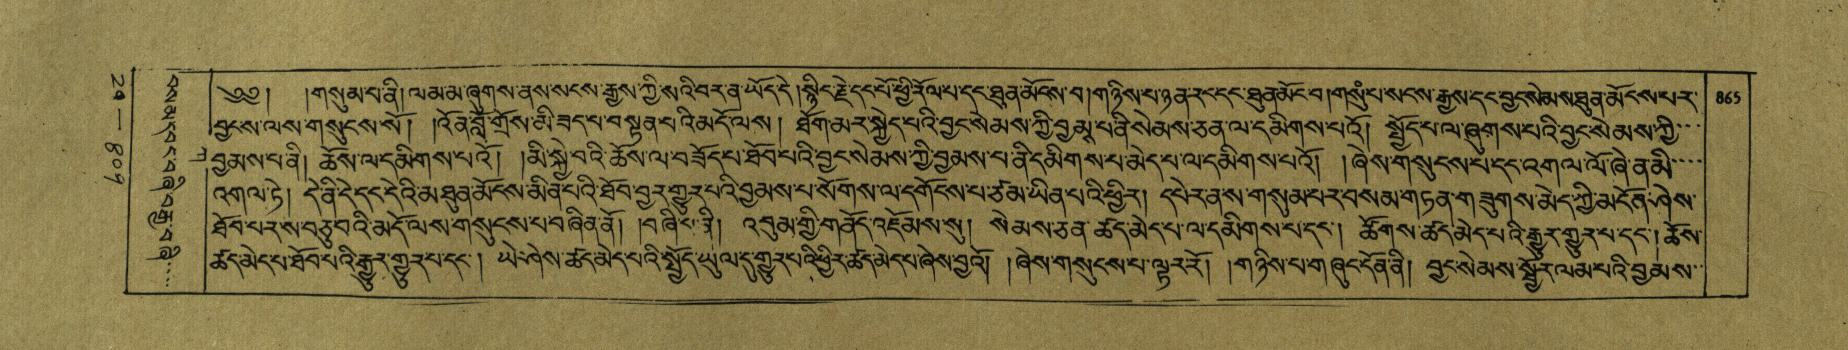༄༅། །གསུམ་པ་ནི། ལམ་མ་ཞུགས་ནས་སངས་རྒྱས་ཀྱི་སའི་བར་ན་ཡོད་དེ། སྙིང་རྗེ་དང་པོ་ཕྱི་རོལ་པ་དང་ཐུན་མོངས་བ། གཉིས་པ་ཉན་རང་དང་ཐུན་མོང་བ། གསུཾ་པ་སངས་རྒྱས་དང་བྱང་སེམས་ཐུན་མོངས་པར་
བྱང་ས་ལས་གསུངས་སོ། །འོ་ན་བློ་གྲོས་མི་ཟད་པ་བསྟན་པའི་མདོ་ལས། ཐོག་མར་སྐྱེད་པའི་བྱང་སེམས་ཀྱི་བྱམས་པ་ནི་སེམས་ཅན་ལ་དམིགས་པའོ། སྤྱོད་པ་ལ་ཞུགས་པའི་བྱང་སེམས་ཀྱི་
བྱམས་པ་ནི། ཆོས་ལ་དམིགས་པའོ། །མི་སྐྱེ་བའི་ཆོས་ལ་བཟོད་པ་ཐོབ་པའི་བྱང་སེམས་ཀྱི་བྱམས་པ་ནི་དམིགས་པ་མེད་པ་ལ་དམིགས་པའོ། །ཞེས་གསུངས་པ་དང་འགལ་ལོ་ཞེ་ན་མི་
འགལ་ཏེ། དེ་ནི་དེ་དང་དེའི་མཐུན་མོངས་མིན་པའི་ཐོབ་བྱར་གྱུར་པའི་བྱམས་པ་སོགས་ལ་དགོངས་པ་ཙམ་ཡིན་པའི་ཕྱིར། དཔེར་ན་ས་གསུམ་པར་བསམ་གཏན་གཟུགས་མེད་ཀྱི་མངོན་ཤེས་
ཐོབ་པར་ས་བཅུ་བའི་མདོ་ལས་གསུངས་པ་བཞིན་ནོ། །བཞི་པ་ནི། འབུམ་གྱི་གནོད་འཇོམས་སུ། སེམས་ཅན་ཚད་མེད་པ་ལ་དམིགས་པ་དང་། ཚོགས་ཚད་མེད་པའི་རྒྱུར་གྱུར་པ་དང་། ཆོས་
ཚད་མེད་པ་ཐོབ་པའི་རྒྱུར་གྱུར་པ་དང་། ཡེ་ཤེས་ཚད་མེད་པའི་སྤྱོད་ཡུལ་དུ་གྱུར་པའི་ཕྱིར་ཚད་མེད་པ་ཞེས་བྱའོ། །ཞེས་གསུངས་པ་ལྟར་རོ། །གཉིས་པ་གཞུང་དོན་ནི། བྱང་སེམས་སྦྱོར་ལམ་པའི་བྱམས་